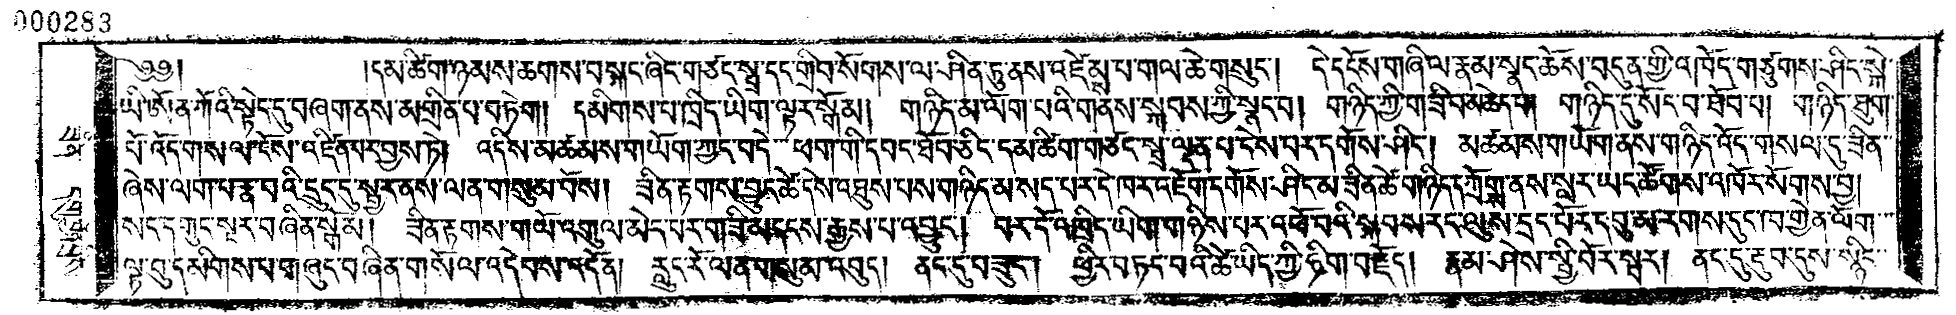༄༅། །དམ་ཚིག་ཉམས་ཆགས་བསྐང་ཞིང་གཙང་སྤྲ་དང་གྲིབ་སོགས་ལ་ཤིན་ཏུ་ནས་འཛེམས་པ་གལ་ཆེ་གསུང་། དེ་དངོས་གཞི་ལ་རྣམ་སྣང་ཆོས་བདུན་གྱི་འཁོད་གཙུགས་ཤིང་སྐེ་
ཡི་ཨོན་ཀོའི་སྟེང་དུ་བཞག་ནས་མགྲིན་པ་བཏེག །དམིགས་པ་ཁྲིད་ཡིག་ལྟར་སྒོམ། གཉིད་མ་ལོག་པའི་གནས་སྐབས་ཀྱི་སྣང་བ། གཉིད་ཀྱི་གཟི་བ་མཆེད་པ། གཉིད་དུ་སོང་བ་ཐོབ་པ། གཉིད་ཐུག་
པོ་འོད་གསལ་ངོས་འཛིན་པར་བྱས་ཏེ། འདིས་མཚམས་གཡོག་ཀྱང་བདེ་ཕག་གི་དབང་ཐོབ་ཅིང་དམ་ཚིག་གཙང་སྤྲ་ལྡན་པ་ངེས་པར་དགོས་ཤིང་། མཚམས་གཡོག་ནས་གཉིད་འོད་གསལ་དུ་ཟིན་
ཞེས་ལག་པ་རྣ་བའི་དྲུང་དུ་སྦྱར་ནས་ལན་གསུམ་པོས། ཟིན་རྟགས་བྱུང་ཚེ་དེས་འཐུས་པས་གཉིད་མ་སད་པར་དེ་ཁར་འཇོག་དགོས་ཤིང་མ་ཟིན་ཚེ་གཉིད་དཀྲོགས་ནས་སླར་ཡང་ཚོགས་འཁོར་སོགས་བྱ།
སང་དགུང་སྔར་བཞིན་སྒོམ། ཟིན་རྟགས་གཡོ་འགུལ་མེད་པར་གཟི་མདངས་རྒྱས་པ་འབྱུང་། བར་དོ་འཁྲིད་ཡིག་གཉིས་པར་འཕོ་བའི་སྐབས་རང་ལུས་དྲང་པོར་དབུ་མ་རགས་དུང་ཁ་གྱེན་ལོག་
ལྟ་བུ་དམིགས་པ་གཞུང་བཞིན་གསོལ་འདེབས་འདོན། རླུང་རོ་ལན་གསུམ་འབུད། ནང་དུ་བཟུང་། ཕྱིར་བཏང་བའི་ཚེ་ཡིད་ཀྱི་ཧིག་བརྗོད། རྣམ་ཤེས་སྤྱི་བོར་སྦར། ནང་དུ་རྔུབ་དུས་སྙིང་